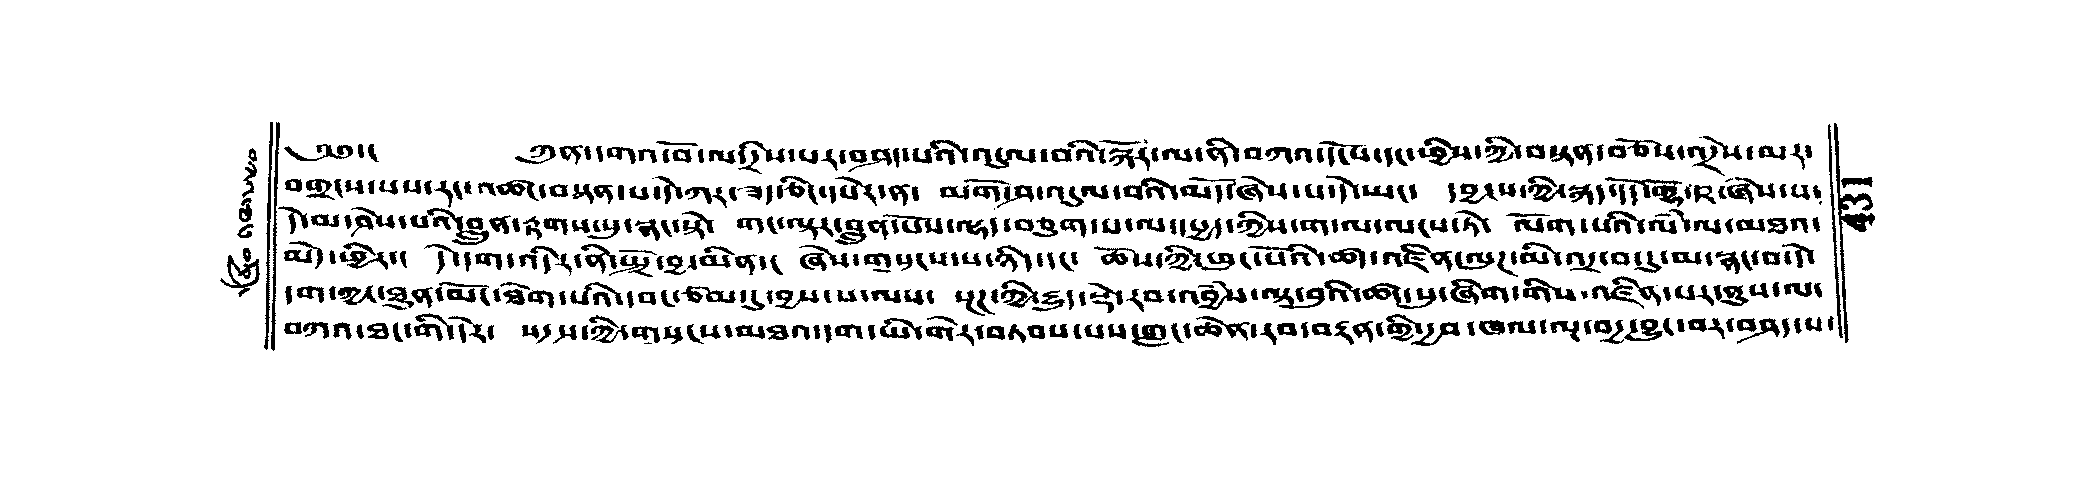ཀུན་དགའ་བོ་ལ་དྲིས་པར་བཤད་པའི་འདུལ་བའི་སྐོར་ལ་ནི་བཀའ་དངོས་དང་ཕྱིས་ཀྱི་བསྟན་བཅོས་འདྲེས་མར་
བགྲངས་པས་རང་མཚང་བསྟན་པ་དེ་ཀར་ཟད་ཅིང་དཔེར་ན། མགོ་ཤ་འདུལ་བའི་མདོ་ཞེས་པ་དེ་ཡང་། དབྱངས་ཀྱི་སྐད་དོད་གྷོ་ར་ཞེས་པ་
དེ་མ་ཤེས་པའི་བླུན་རྟགས་སུ་སྣང་སྟེ། གང་ལྟར་བླུན་པོས་ལྷད་བཅུག་པ་ལ་དཔྱད་ཀྱིས་ག་ལ་ལངས་ཏེ། ལོག་པའི་ལམ་ལ་མཐའ་
མེད་ཕྱིར། དེ་དག་འདིར་ནི་སྤྲོ་བྱ་མིན། ཞེས་གསུངས་པ་ཉིད་དང་། ཆོས་ཀྱི་ཕུང་པོའི་ཚད་འཛིན་ལུགས་མི་འདྲ་བ་དུ་མ་སྣང་བ་
དེ་དག་ཀྱང་ཐུན་མོང་ཐེག་པའི་དབང་ཙམ་དུ་བྱས་པ་ལས། སྔགས་ཀྱི་རྒྱུད་སྡེ་རབ་འབྱམས་ལྟ་བུའི་ཚད་སུ་ཞིག་གིས་འཛིན་པར་ནུས་ལ་
བཀའ་ཐང་གི་དེར། སངས་རྒྱས་ཀྱི་གསུངས་མཐའ་དག་ཡི་གེར་བཏབས་པས་གླང་ཆེན་རབ་བརྟན་གྱི་རྒྱབ་ཁལ་ལྔ་བརྒྱ་བྱུང་བར་བཤད་པ་